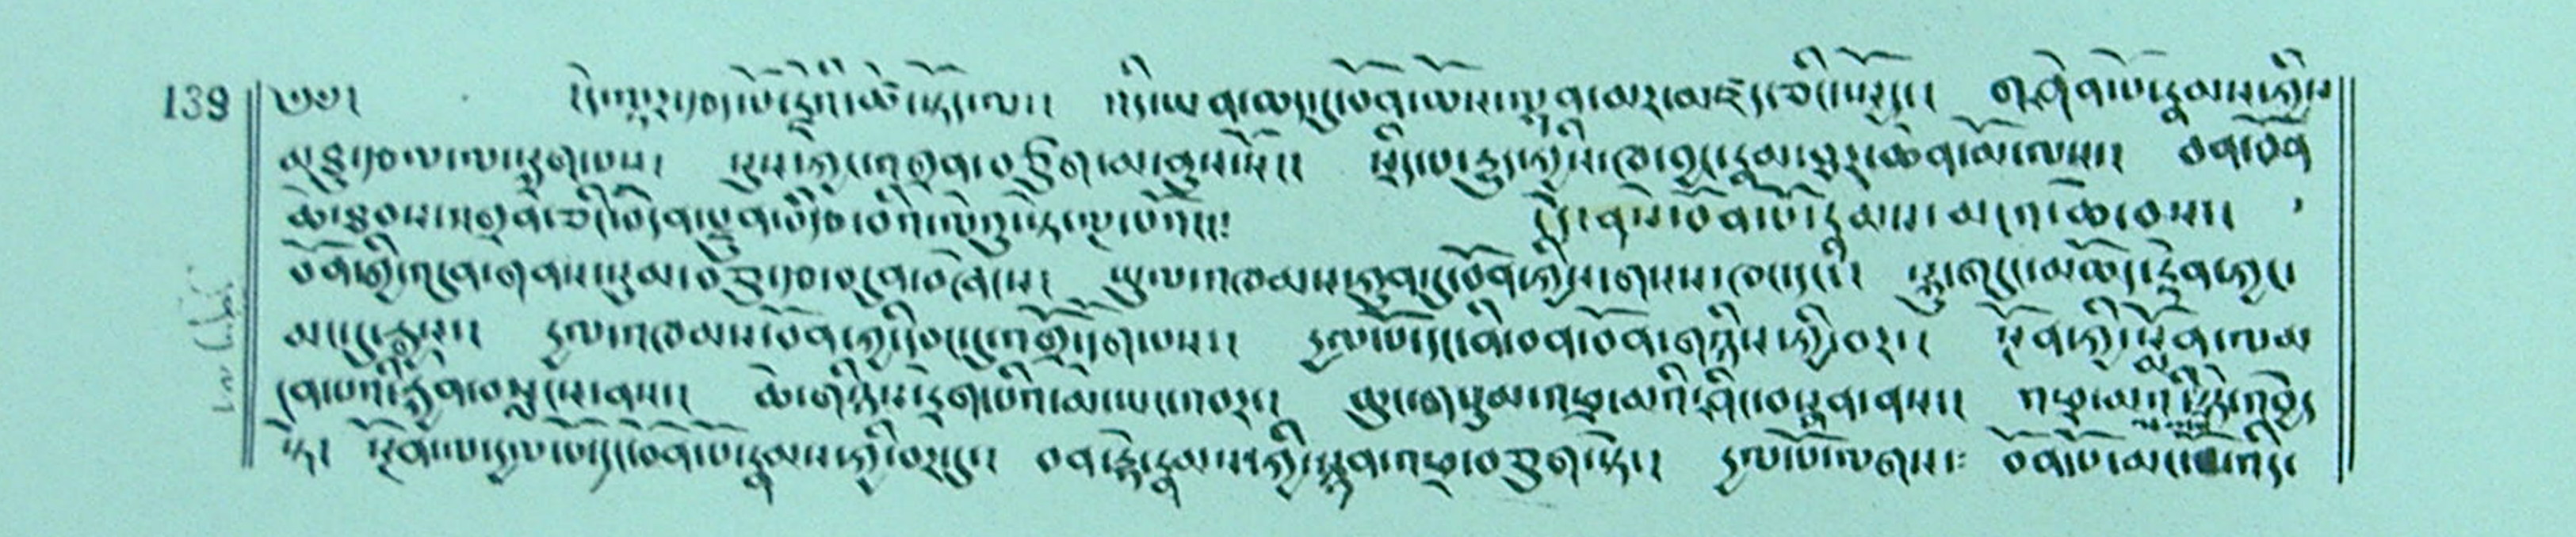༄༅། །དེ་ལྟར་རྩད་པོ་རྗེའི་ཚེ་སྟོད་ལ། འདི་ཡན་ཆད་དུ་བོན་ཆོས་ལྷན་མར་མཛད་ཅིང་སྤྱོད། གཤེན་པོ་རྣམས་ཀྱིས་
མཐུ་རྩལ་ལ་སྐྲག་པས། སུས་ཀྱང་འགྲན་བཙུག་མ་ནུས་སོ། སྲིད་པ་རྒྱུད་ཀྱི་ཁ་བྱང་རྣམ་ཐར་ཆེན་མོ་ལས། བན་བོན་
ཆེ་ཐབས་འགྲན་ཅིང་བདེན་རྫུན་བརྩི་བའི་ལེའུ་སྟེ་ལྔ་བའོ།། །།དེ་ནས་བོན་པོ་རྣམས་མངའ་ཐང་ཆེ་བས། 
བོན་གྱི་འདུན་གནས་སུམ་བཅུ་རྩ་བདུན་བཞེངས། ཡུལ་འཁམས་ཀུན་ཏུ་བོན་གྱི་གསས་ཁང་དང་། སྐུ་གདུང་མཆོད་རྟེན་ཀྱང་
མང་དུ་རྒྱས་སོ། །རྒྱལ་ཁམས་བོན་གྱི་དབང་དུ་འགྲོ་དོག་པས། རྒྱལ་བོ་དང་ནི་བན་བོན་གཉིས་ཀྱི་བར། སྔོན་གྱི་སྨོན་ལམ་
ན་པའི་རྐྱེན་བསླངས་ནས། ཆེ་གཉིས་དྲེག་པའི་མེ་ཡང་འབར། ཆུང་གསུམ་འཕྲ་མའི་ཤིང་བསྣན་ནས། ཕྲ་མའི་ལས་ནི་ཉེས་འབྱེད་
དེ། སྔོན་ལ་རྒྱལ་པོ་དང་བོན་པོ་རྣམས་ཀྱི་བར་དུ། བན་དྷེ་རྣམས་ཀྱིས་སྙན་ཕྲ་བཅུག་སྟེ། རྒྱལ་བོ་ལགས། བོན་པོ་མང་བོ་འདི་